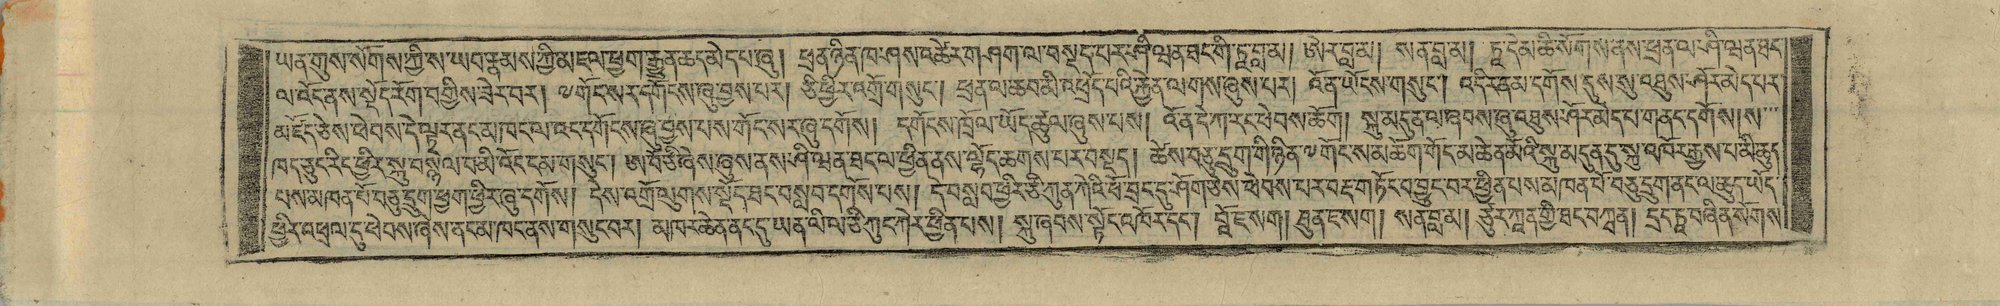ཡན་གུས་སོགས་ཀྱི་ས་ཡབ་རྣམས་ཀྱི་མཇལ་ཕྱག་རྒྱུན་ཆད་མེད་པ་ཞུ། ཕྲན་ཉིན་ཁ་ཤས་འཚེར་གཤག་ལ་བསྡད་པར་ཤི་ཝན་ཐང་གི་ཏཱ་བླ་མ། ཨེར་བླ་མ། སན་བླ་མ། ཏཱ་དེམ་ཆི་སོགས་ནས་ཕྲན་ལ་ཤི་ཝན་ཐང་
ལ་འོང་ནས་སྡོད་རོག་བགྱིས་ཟེར་བར། ༧གོང་སར་དགོངས་ཞུ་བྱས་པར། ཅི་ཕྱིར་འགྲོ་གསུང་། ཕྲན་ལ་ཆབ་མི་འཕྲོད་པའི་རྐྱེན་ལགས་ཞུས་པར། འོ་ན་ཡོངས་གསུང་། འདིར་ནམ་དགོས་དུས་སུ་འཐུས་ཤོར་མེད་པར་
མཛོད་ཅེས་ཕེབས་དེ་ལྟར་ནང་མ་ཁང་ལ་འང་དགོངས་ཞུ་བྱས་པས་གོང་སར་ཞུ་དགོས། དགོངས་ཁྲོལ་ཡོད་ཚུལ་ཞུས་པས། འོ་ན་དེ་ཀ་རང་ཕེབས་ཆོག །སྐུ་མདུན་ལ་ཞབས་ཞུ་འཐུས་ཤོར་མེད་པ་གནང་དགོས། ས་
ཁད་ཅུང་རིང་ཕྱིར་སྐུ་བསྙེལ་བ་མི་འོང་ངམ་གསུང་། ཨ་བོ་ཅི་ཞེས་ཞུས་ནས་ཤི་ཝན་ཐང་ལ་ཕྱིན་ནས་ལྷོད་ཆགས་པར་བསྡད། ཚེས་བཅུ་དྲུག་གི་ཉིན་༧གོང་ས་མཆོག་གོང་མ་ཆེན་མོའི་སྐུ་མདུན་དུ་སྐྱ་འཁོར་རྒྱས་པ་མི་ཆུད་
པས་མཁན་པོ་བཅུ་དྲུག་ཕྱག་ཕྱིར་ཞུ་དགོས། དེས་འགྲོ་ལུགས་སྡོད་ཐང་བསླབ་དགོས་པས། དེ་བསླབ་ཕྱིར་ཅི་ཀུན་ཀེའི་ཕོ་བྲང་དུ་ཤོག་ཅེས་ཕེབས་པར་བརྡ་གཏོང་བ་བྱུང་བར་ཕྱིན་པས་མཁན་པོ་བཅུ་དྲུག་ནང་ལ་ཆུད་ཡོད་
ཕྱིར་འཕྲལ་དུ་ཕེབས་ཞེས་ནང་མ་ཁང་ནས་གསུང་བར། མཁར་ཆེན་ནང་དུ་ཡན་ལི་ལ་ཙི་ཀུང་ཀེར་ཕྱིན་པས། སྐུ་ཞབས་སྟོང་འཁོར་དང་། བO་ཇ་སག །ཐུན་ཇ་སག །སན་བླ་མ། ཙུར་ཀཱན་གྱི་ཐང་བཀྭན། དྲང་ཏཱ་བཞིན་སོགས་